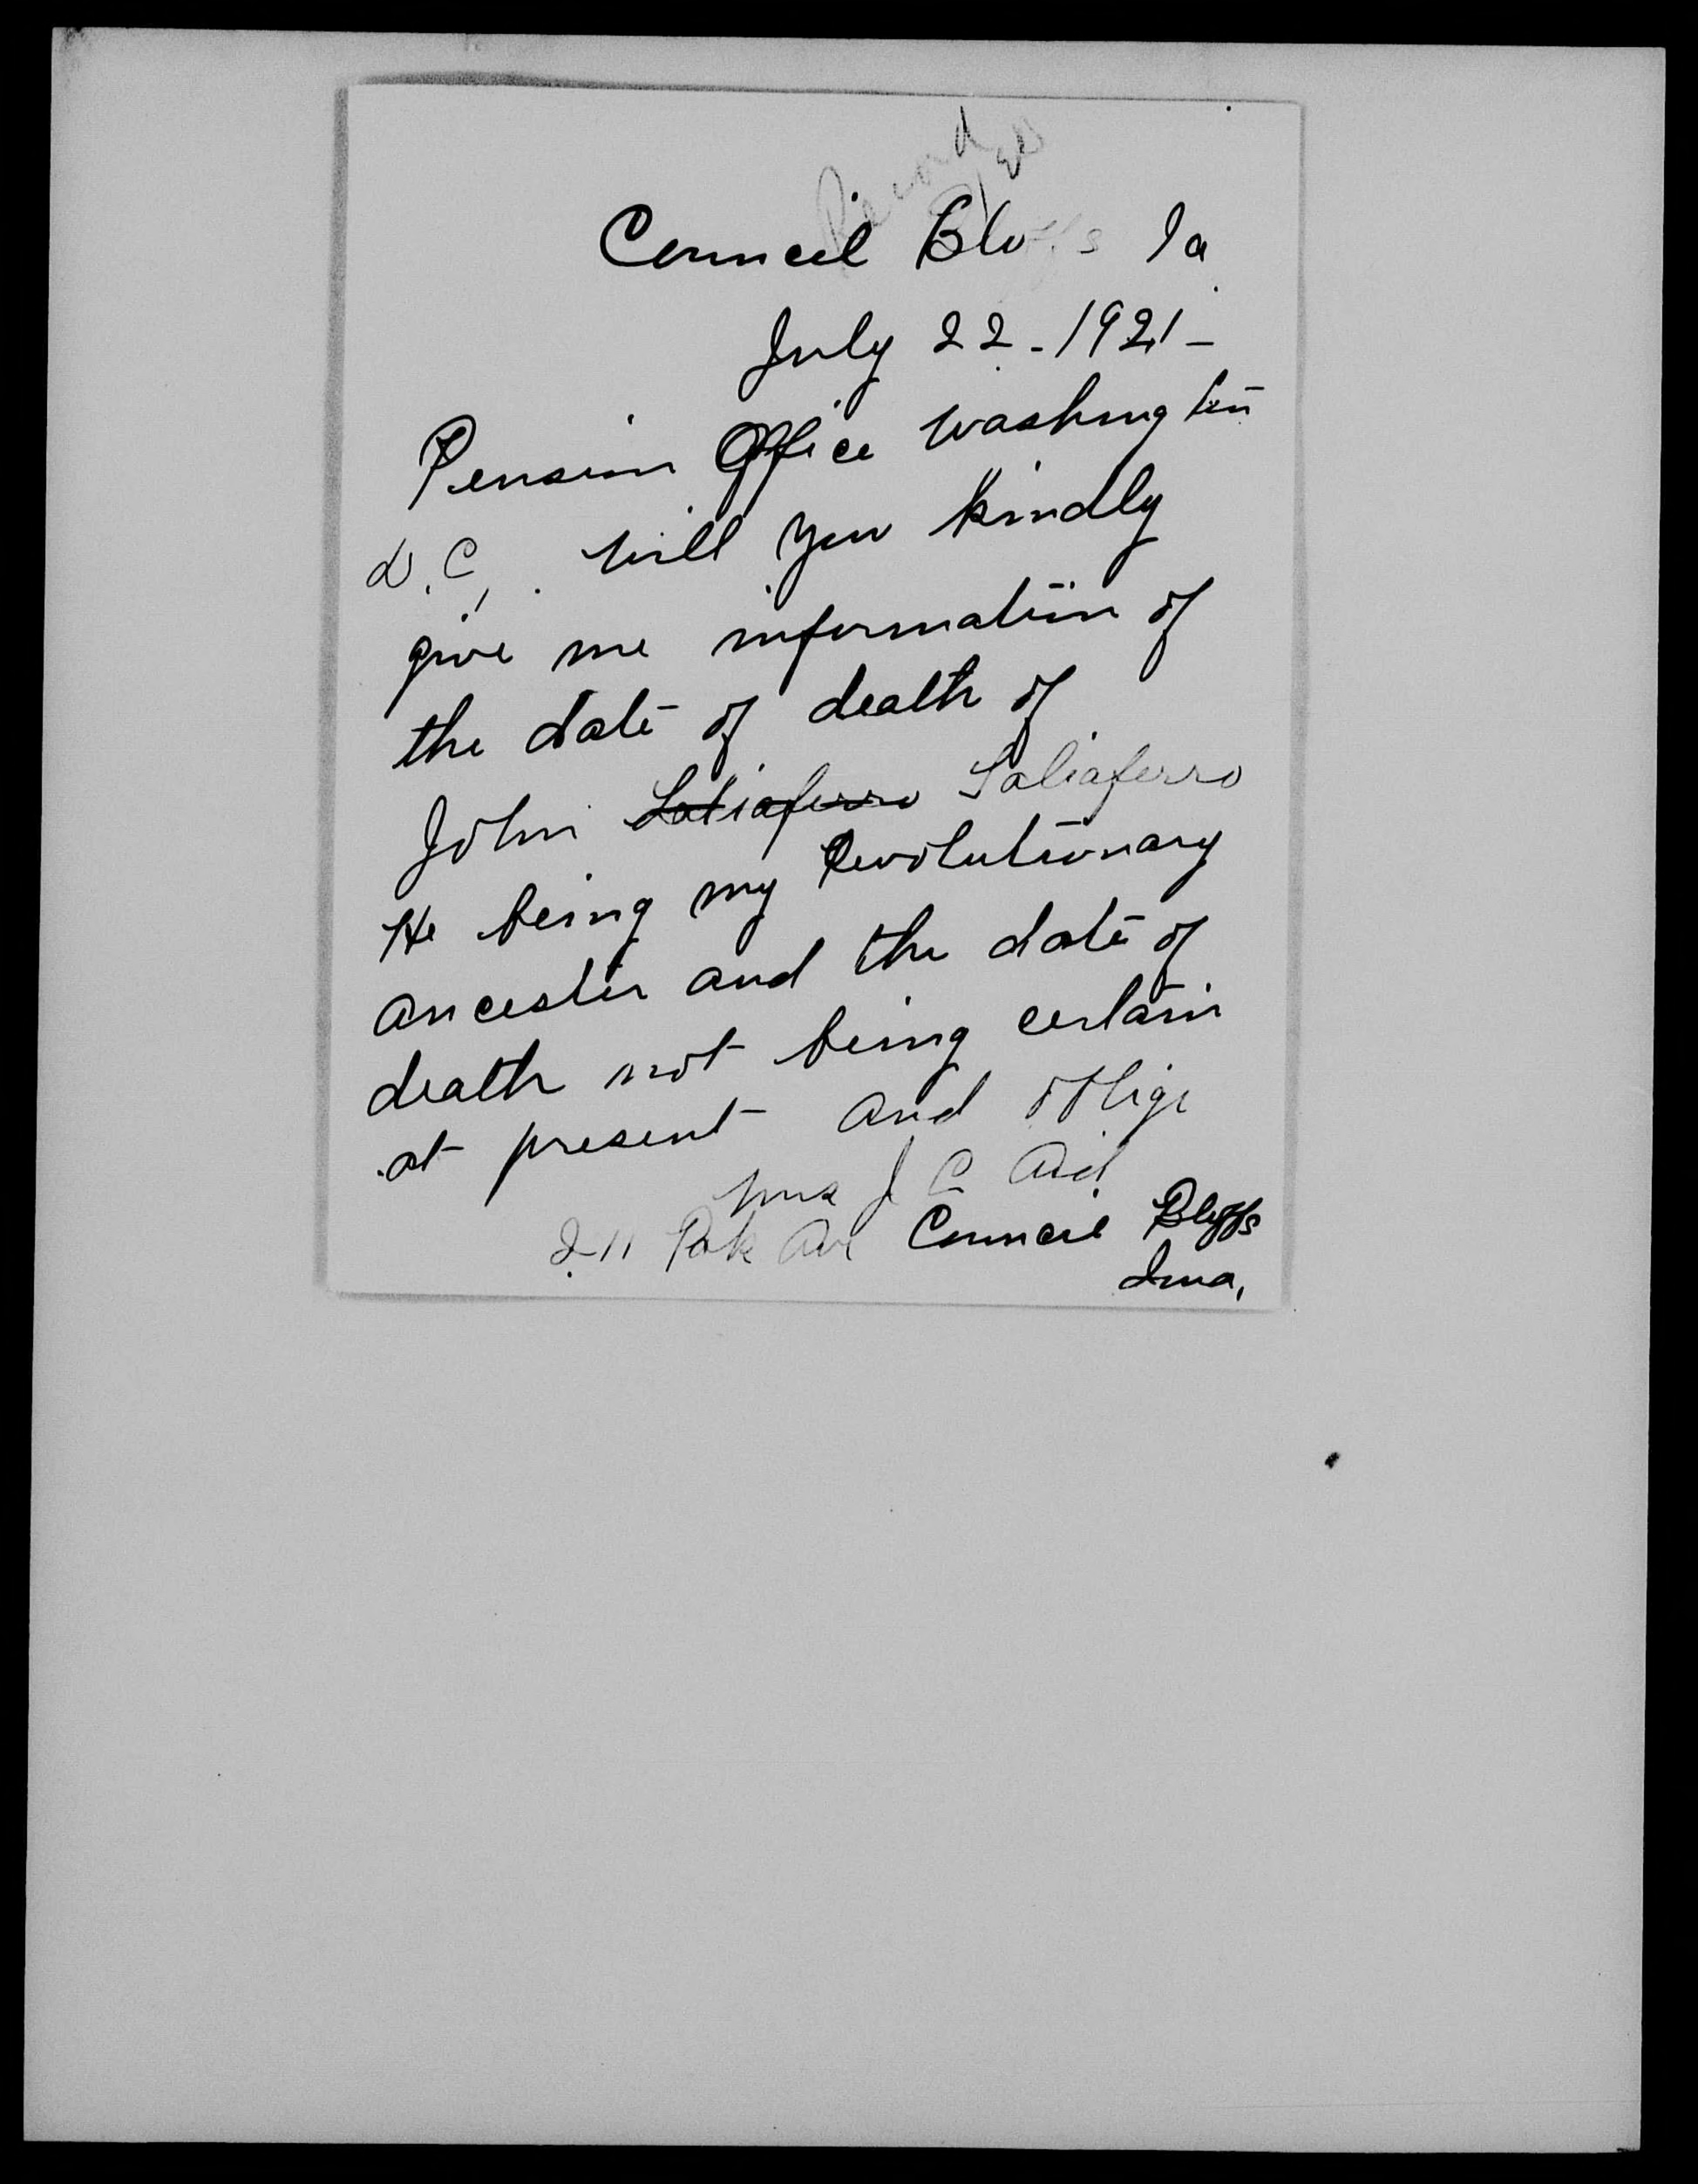Council Bluffs, Ia
July 22, 1921
Pension Office Washington D.C.. Will you kindly give me information of the date of death of John Taliaferro He being my Revolutionary ancestor and the date of death not being certain at present. and oblige
Mrs. J. C. Aid
211 Park Ave Council Bluffs, Iowa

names: J C Aid; John Taliaferro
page: 31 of 34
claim: survivor's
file: S. 19483, for John Taliaferro, Virginia